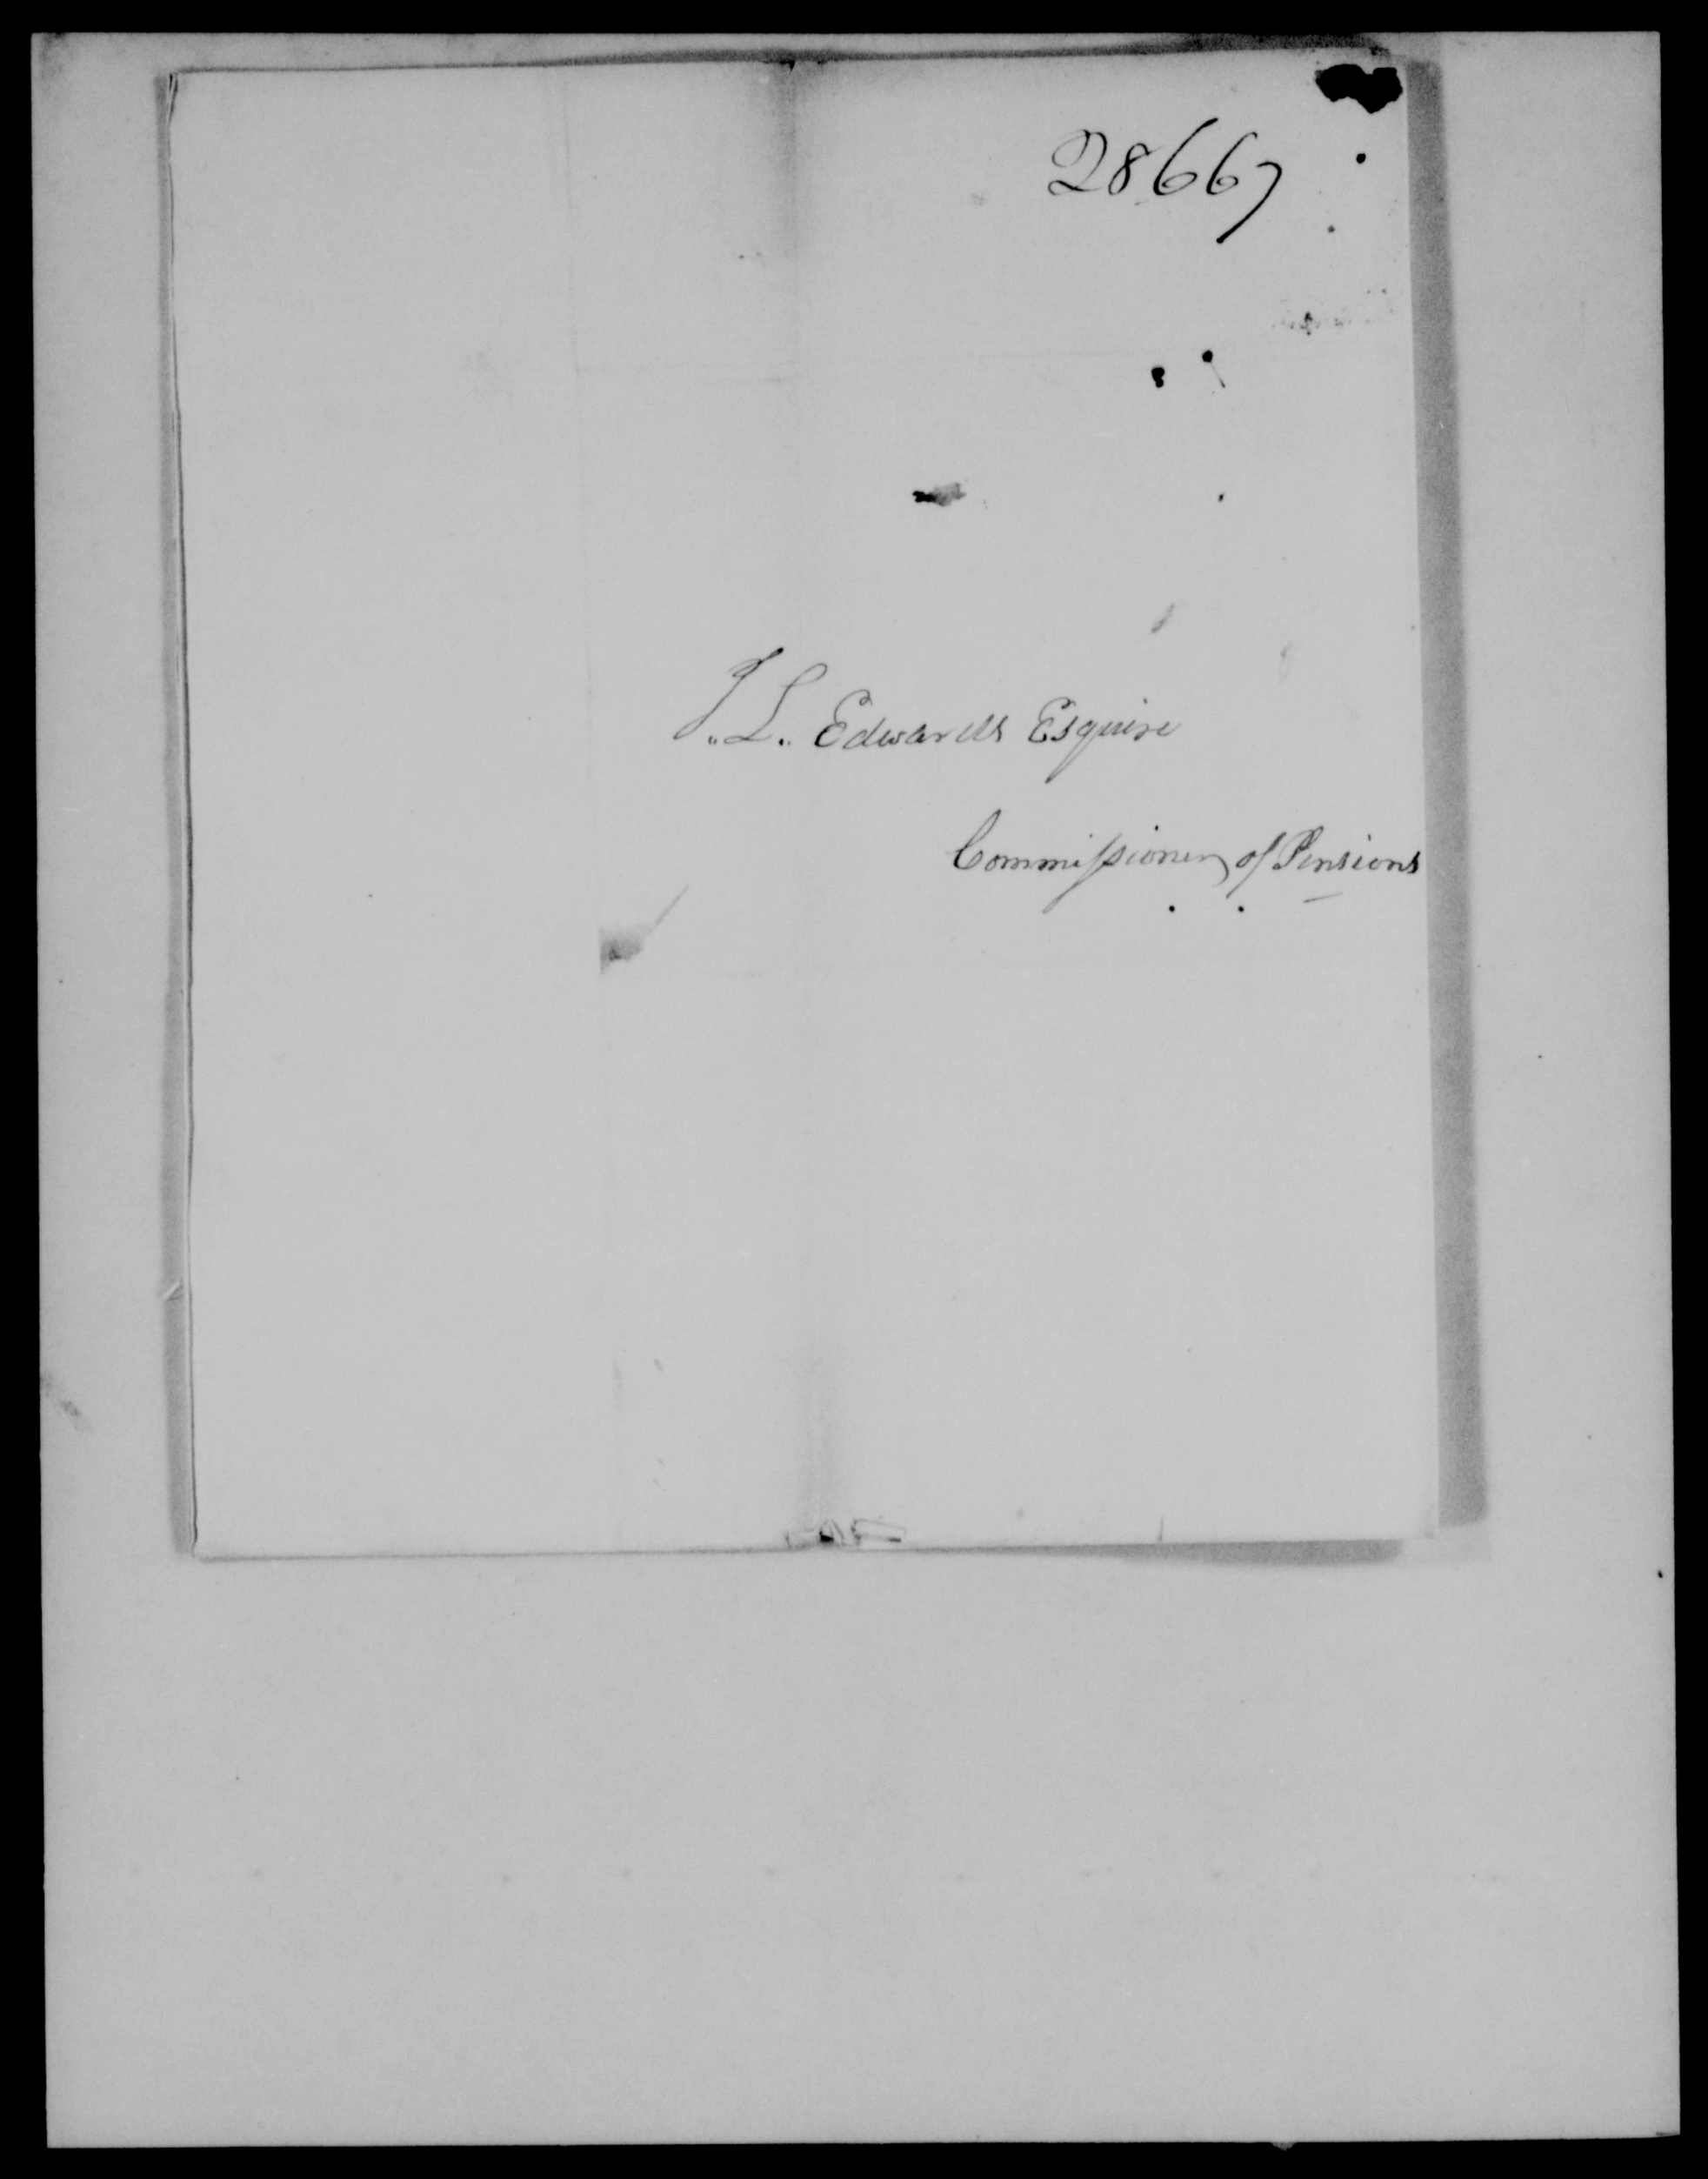28667
J.L. Edwards
Commissioner of Pensions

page: 43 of 74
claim: survivor's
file: S. 11556, for Simeon Titus, Rhode Island